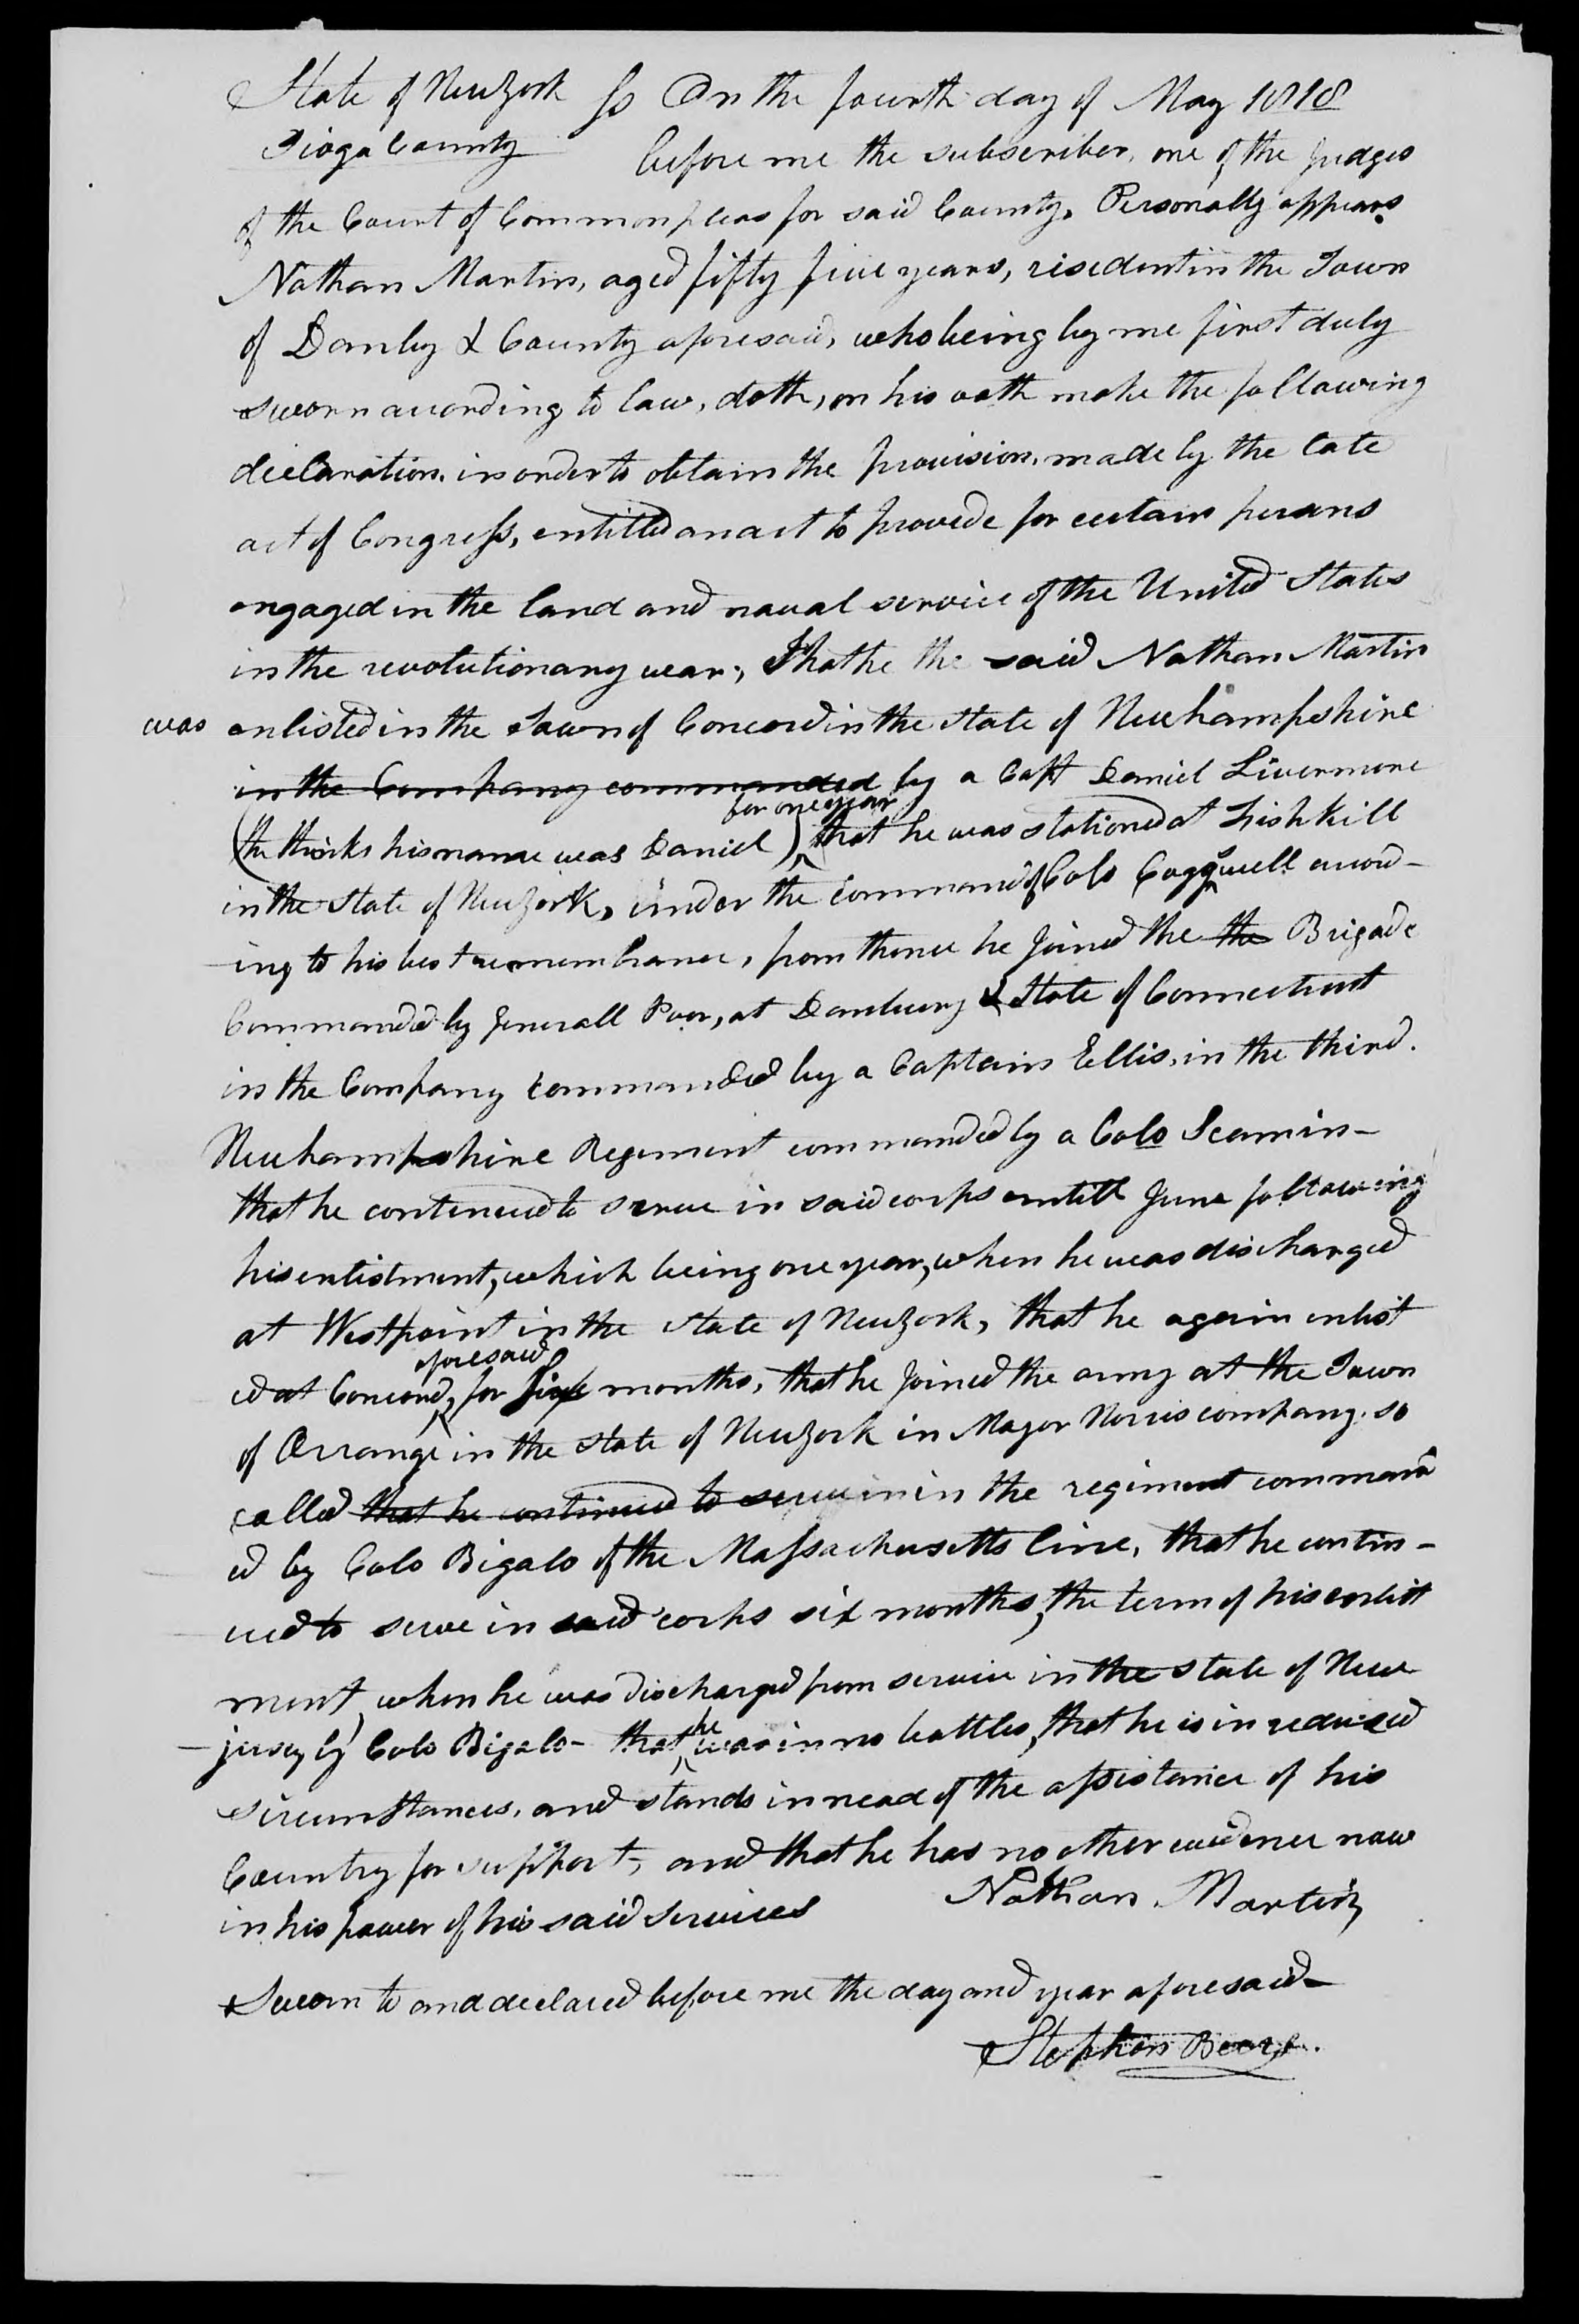State of New York ss 
On the fourth day of May 1818
Tioga County

before me the subscriber, one of the Judges
of the Court of Common pleas for said County, Personally appears
Nathan Martin, aged fifty five years, resident in the Town of
Danley & County aforesaid, who being by me first duly
sworn according to law, doth, on his oath make the following
declaration in order to obtain the provision made by the late
act of Congress, entitled an act to provide for certain persons
engaged in the land and naval service of the United States
in the revolutionary war, that he the said Nathan Martin was
enlisted in the Town of Concord in the State of Newhampshire
by a Capt Daniel Livermore
(he thinks his name was Daniel) for one year that he was stationed at Fishkill
in the State of New York, under the command of Col Caggwell avowing to his best remembrance, from thence he joined the the Brigade
Commanded by Generall poor at Danbury State of Connecticut
in the company commanded by a Captain Ellis, in the third
New Hampshire Regiment commanded by a Col Scamin that
he continued to serve in said corps untill June following
his enlistment, which being one year, when he was discharged
at West point in the State of New York, that he again enlisted at concord aforesaid for six months, that he joined the army at the Town of
Orange in the State of New York in Major Norris Company, so
called to service in the regiment commanded
by Col Bigalo of the Massachusetts line, that he continued to
serve in said corps six months the term of his enlistment when he was discharged from service in the State of New
jesty by Col Bigal that was in no battles, that he is in reduced
circumstances, and stands in need of the assistance of his
Country for support, and that he has no other evidence now
in his power of his said services
Nathan Martin
Sworn to and declared before me the day and year aforesaid
Stephen Betts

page: 3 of 30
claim: widow's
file: W. 23,904, for Nathan Martin, New Hampshire